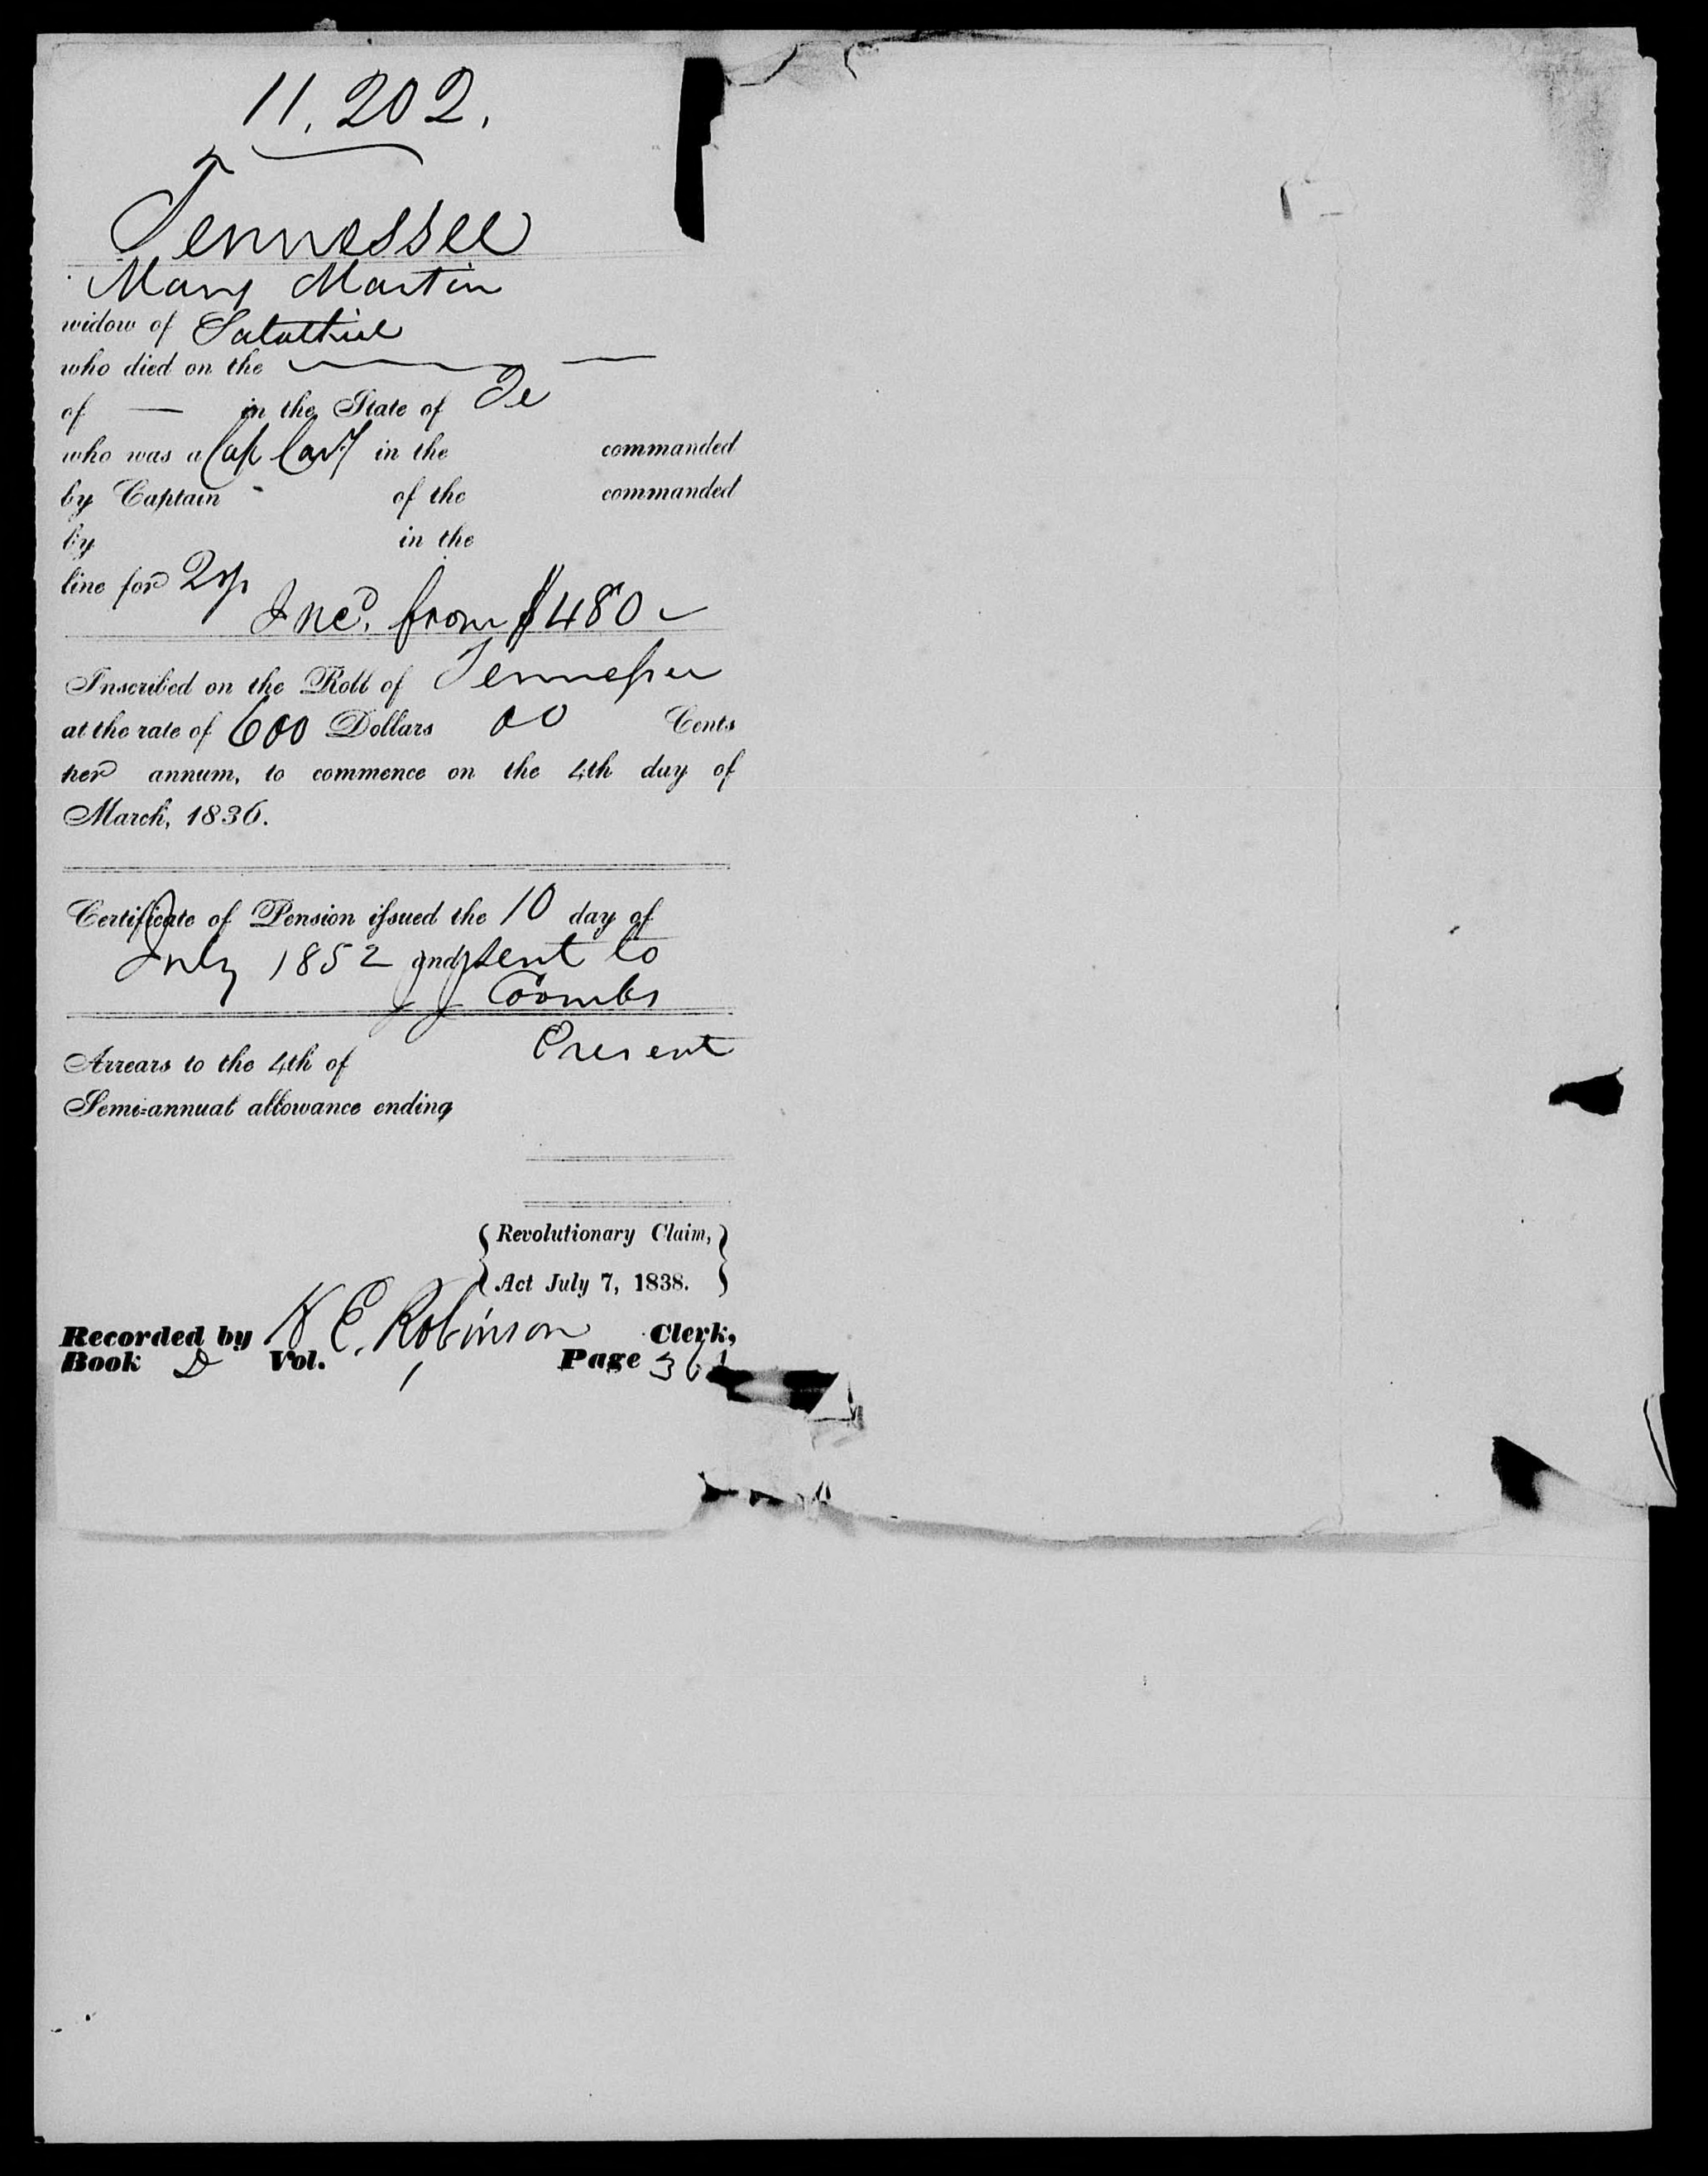[printed form, handwritten responses]
11.202
Tennessee
Mary Martin
widow of Salathiel
who died on the [blank]
of [blank] in the State of Te
who was a Cap Cav in the [blank] commanded
by Captain [blank] of the [blank] commanded
by [blank] in the [blank]
line for 2 yrs
Incd. from $480

Inscribed on the Roll of Tennessee
at the rate of 600 Dollars 00 Cents
per annum, to commence on the 4th day of
March, 1836.

Certificate of Pension issued the 10 day of
July 1852 and sent to
J J Coombs
Present

Arrears to the 4th of [blank]
Semi-annual allowance ending [blank]

(Revolutionary Claim, )
(Act July 7, 1838.         )
Recorded by H. E. Robinson Clerk
Book D Vol. 1 Page 36[page damage]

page: 77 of 120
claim: widow's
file: W. 1044, for Salathiel Martin, North Carolina